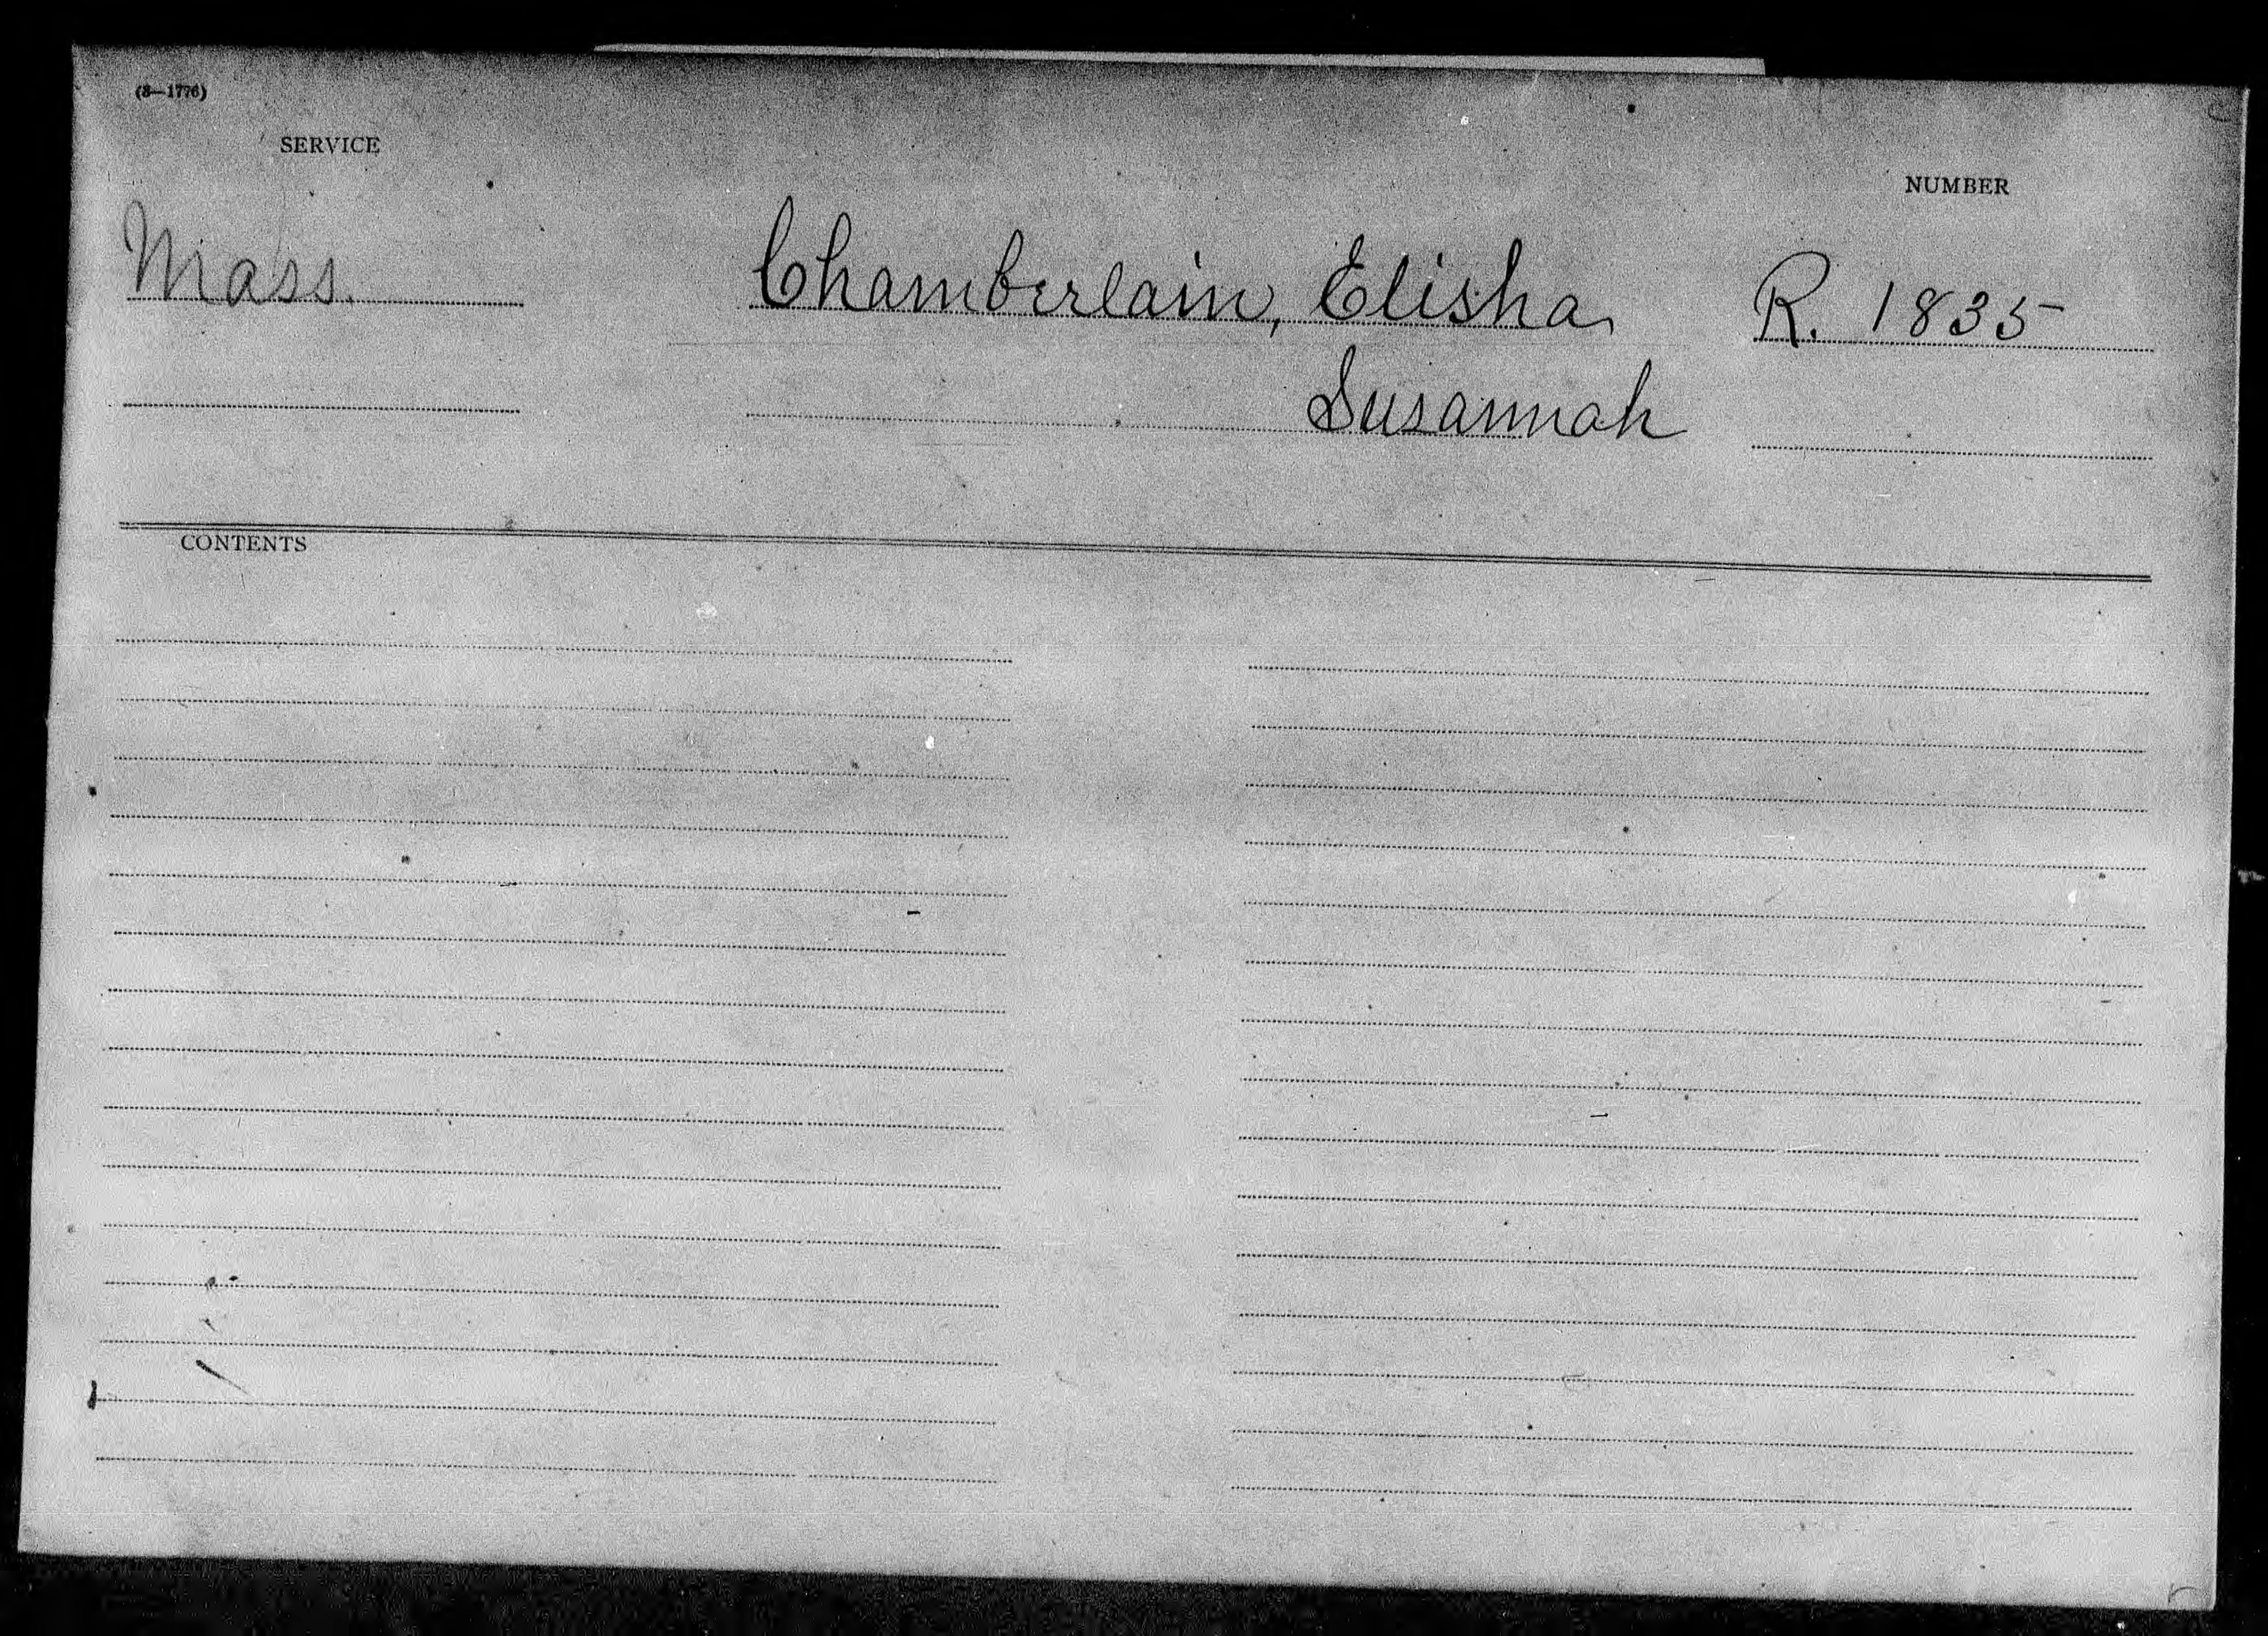Service                                            
Mass.    

Number 
R. 1835 

Chamberlain, Elisha 
Susannah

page: 1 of 24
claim: rejected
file: R. 1835, Elisha Chamberlain, Mass.